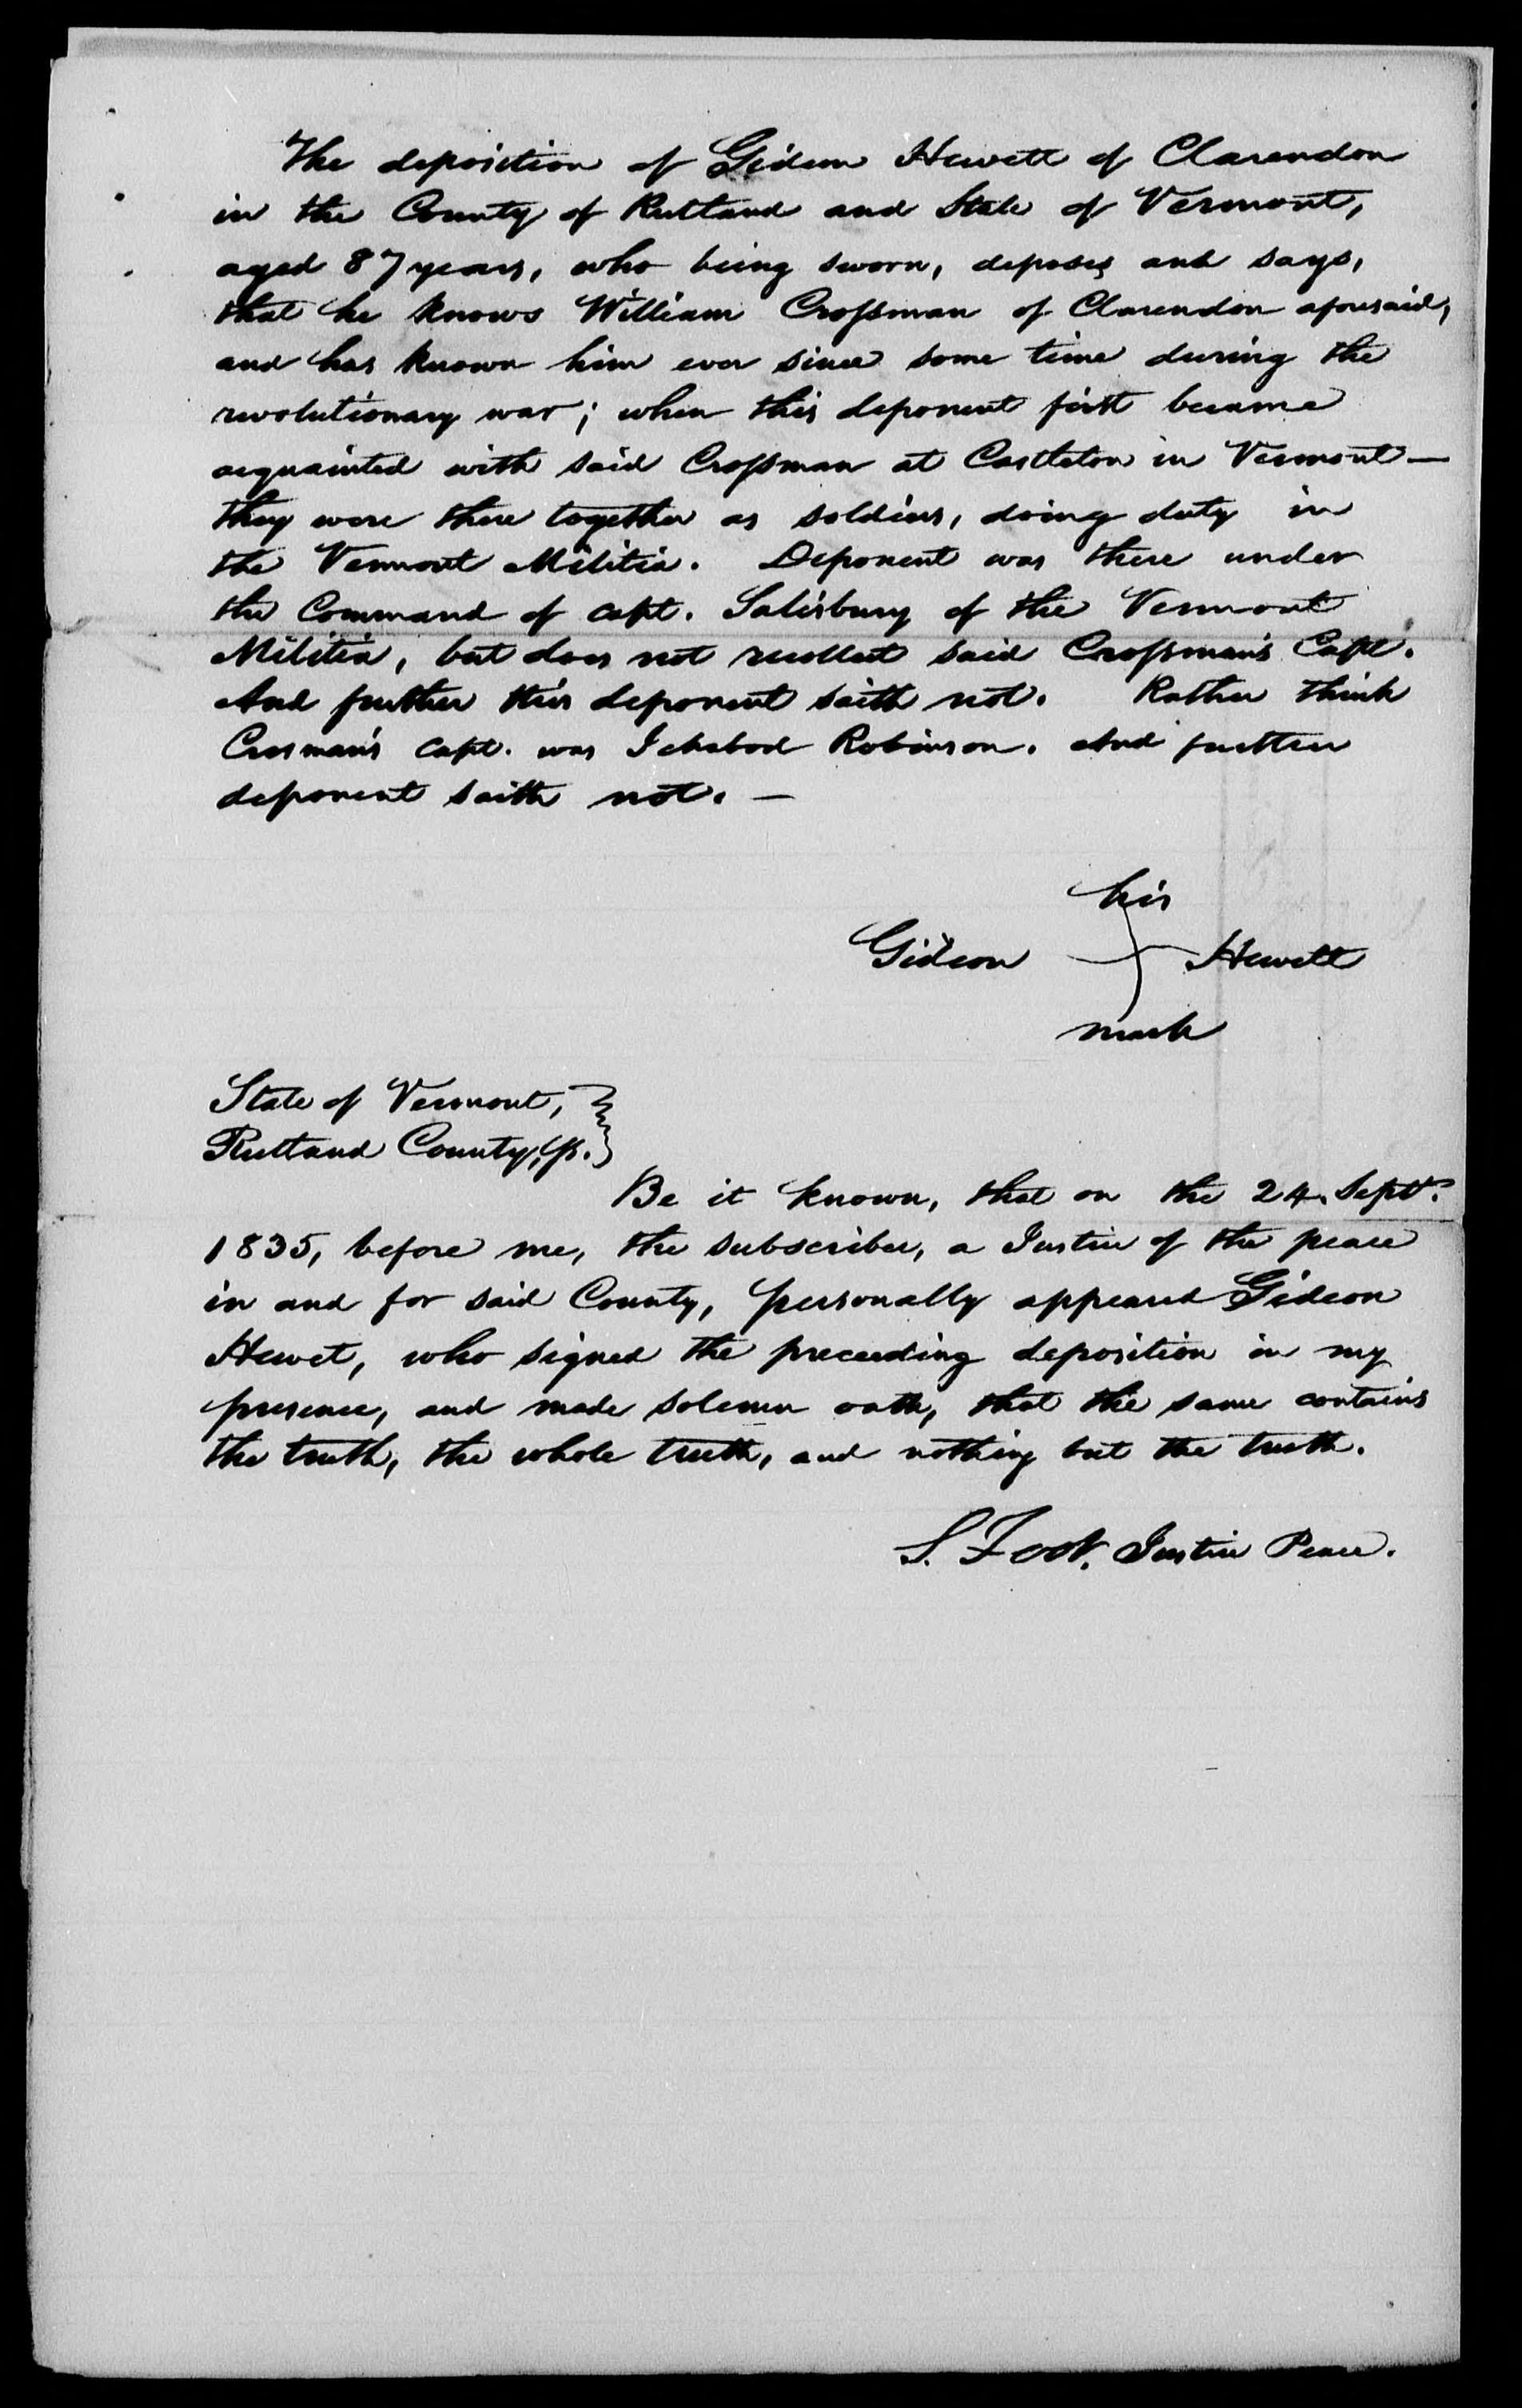The deposition of Gideon Hewett of Clarendon in the County of Rutland and State of Vermont, aged 87 years, who being sworn, deposes and says, that he knows William Crossman of Clarendon aforesaid, and has known him ever since some time during the revolutionary war; when his deponent first became acquainted with said Crossman at Castleton in Vermont - they were there together as soldiers, doing duty in the Vermont Militia. Deponent was there under the Command of Capt. Salisbury of the Vermont Militia, but does not recollect said Crossman's Capt. And further this deponent saith not. Rather think Crossman's Capt. was Ichabod Robinson. And further deponent saith not. - 
/s/X his mark Gideon Hewett

State of Vermont,
Rutland County,ss.}
Be it known, that on the 24. Sept. 1835, before me, the subscriber, a Justice of the peace in and for said County, personally appeared Gideon Hewet, who signed the preceeding deposition in my presence, and made solemn oath, that the same contains the truth, the whole truth, and nothing but the truth. 
/s/S. Foot, Justice Peace.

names: Gideon Hewet, Crosman, Gideon Hewett, S Foot, William Crossman, Crossman, Ichabod Robinson, Crossman, Gideon Hewett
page: 32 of 33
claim: survivor's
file: S. 12632, William Crossman, Mass. Vt.